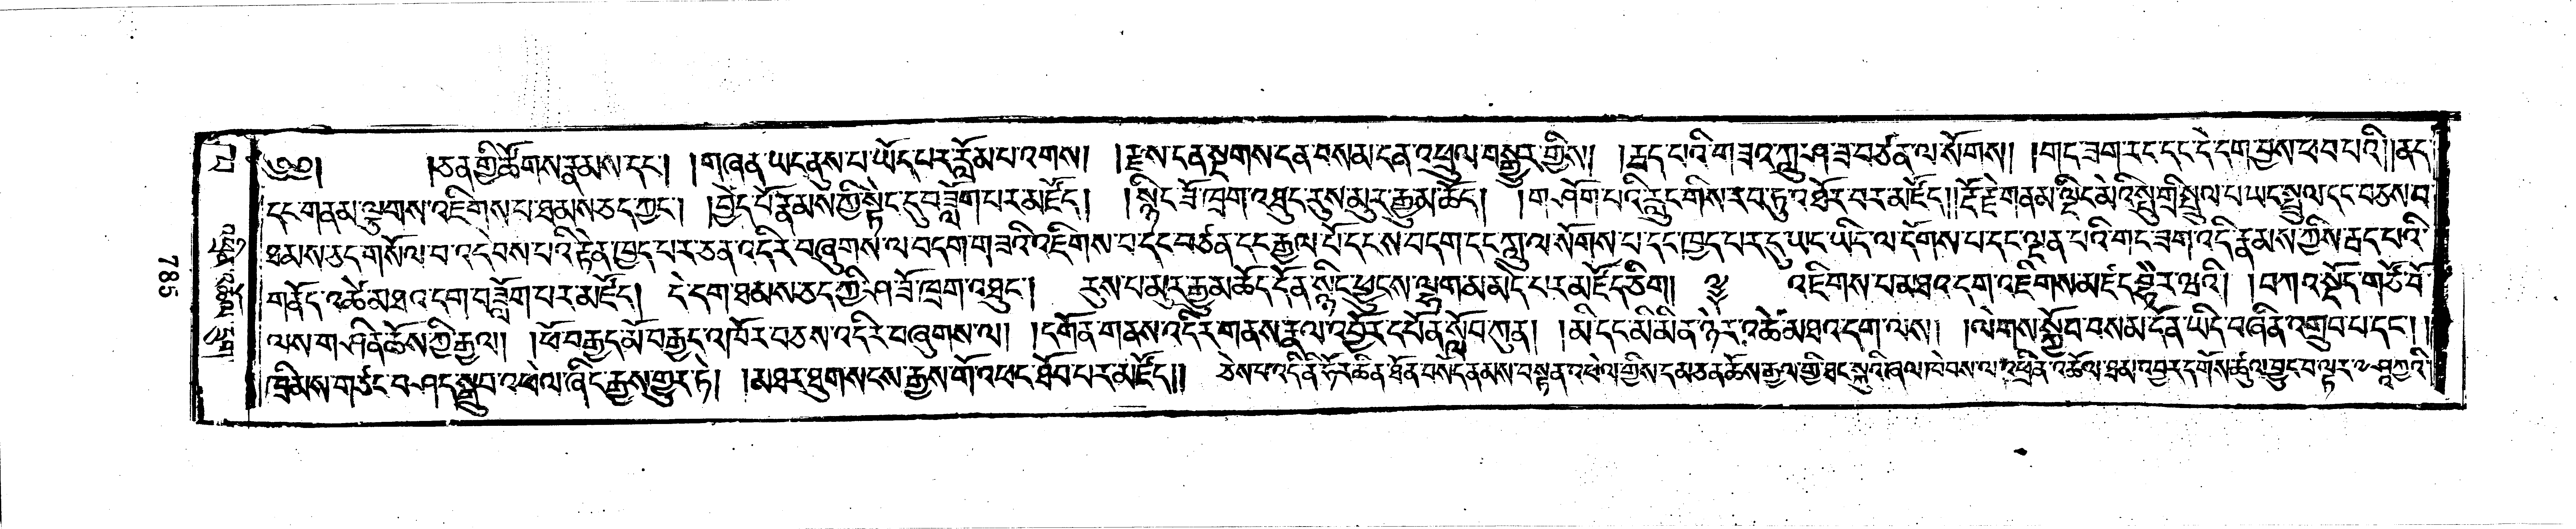༄༅། །ཅན་གྱི་ཚོགས་རྣམས་དང་། །གཞན་ཡང་ནུས་པ་ཡོད་པར་རློམ་པ་འགས། །རྫས་ངན་སྔགས་ངན་བསམ་ངན་འཕྲུལ་བསྒྱུར་གྱིས། །རྦད་པའི་གཟའ་ཀླུ་ཤ་ཟ་བཙན་ལ་སོགས། །གང་ཟག་རང་དང་དེ་དག་བྱས་ཕབ་པའི། །ནད་
དང་གནམ་ལྕགས་འཇིགས་པ་ཐམས་ཅད་ཀྱང་། །བྱེད་པོ་རྣམས་ཀྱི་སྟེང་དུ་བཟློག་པར་མཛོད། །སྙིང་ཟོ་ཁྲག་འཐུང་རུས་མུར་རྒྱུ་མ་ཆོད། །གཤོག་པའི་རླུང་གིས་རབ་ཏུ་འཐོར་བར་མཛོད། །རྡོ་རྗེ་གནམ་ལྡིང་མེའི་སྤུ་གྲི་སྤྲུལ་པ་ཡང་སྤྲུལ་དང་བཅས་བ་
ཐམས་ཅད་གསོལ་བ་འདེབས་པའི་རྟེན་ཁྱད་པར་ཅན་འདིར་བཞུགས་ལ་བདག་གཟའི་འཇིགས་པ་དང་བཙན་དང་རྒྱལ་པོ་དང་ས་བདག་དང་ཀླུ་ལ་སོགས་པ་དང་ཁྱད་པར་དུ་ཡང་ཡིད་ལ་དོགས་པ་དང་ལྡན་པའི་གང་དག་འདི་རྣམས་ཀྱིས་རྦད་པའི་
གནོད་འཚེ་མཐའ་དག་བཟློག་པར་མཛོད། དེ་དག་ཐམས་ཅད་ཀྱི་ཤ་ཟོ་ཁྲག་འཐུང་། རུས་པ་མུར་རྒྱུ་མཆོད་དོན་སྙིང་ཕྱུངས་ལྷག་མ་མེད་པར་མཛོད་ཅིག། ༈ འཇིགས་པ་མཐའ་དག་འཇིགས་མཛད་བྷཻར་ཝའི། །བཀའ་སྡོད་གཙོ་བོ་
ལས་གཤིན་ཆོས་ཀྱི་རྒྱལ། །ཕོ་བརྒྱད་མོ་བརྒྱད་འཁོར་བཅས་འདིར་བཞུགས་ལ། །དགོན་གནས་འདིར་གནས་རྣལ་འབྱོར་དཔོན་སློབ་ཀུན། །མི་དང་མི་མིན་ཉེར་འཚེ་མཐའ་དག་ལས། །ལེགས་སྐྱོབ་བསམ་དོན་ཡིད་བཞིན་འགྲུབ་པ་དང་། །
ཁྲིམས་གཙན་བཤད་སྒྲུབ་འཕེལ་ཞིང་རྒྱས་གྱུར་ཏེ། །མཐར་ཐུག་སངས་རྒྱས་གོ་འཕང་ཐོབ་པར་མཛོད།། ཅེས་པ་འདི་ནི་ཧོར་ཆིན་ཐོན་བསོད་ནམས་བསྟན་འཕེལ་གྱིས་དམ་ཅན་ཆོས་རྒྱལ་གྱི་ཐང་སྐུའི་ཞལ་ཁེབས་ལ་འཕྲིན་འཆོལ་ཐམ་འབྱར་དགོས་ཚུལ་བྱུང་བ་ལྟར་༧་ཤཱཀྱའི་